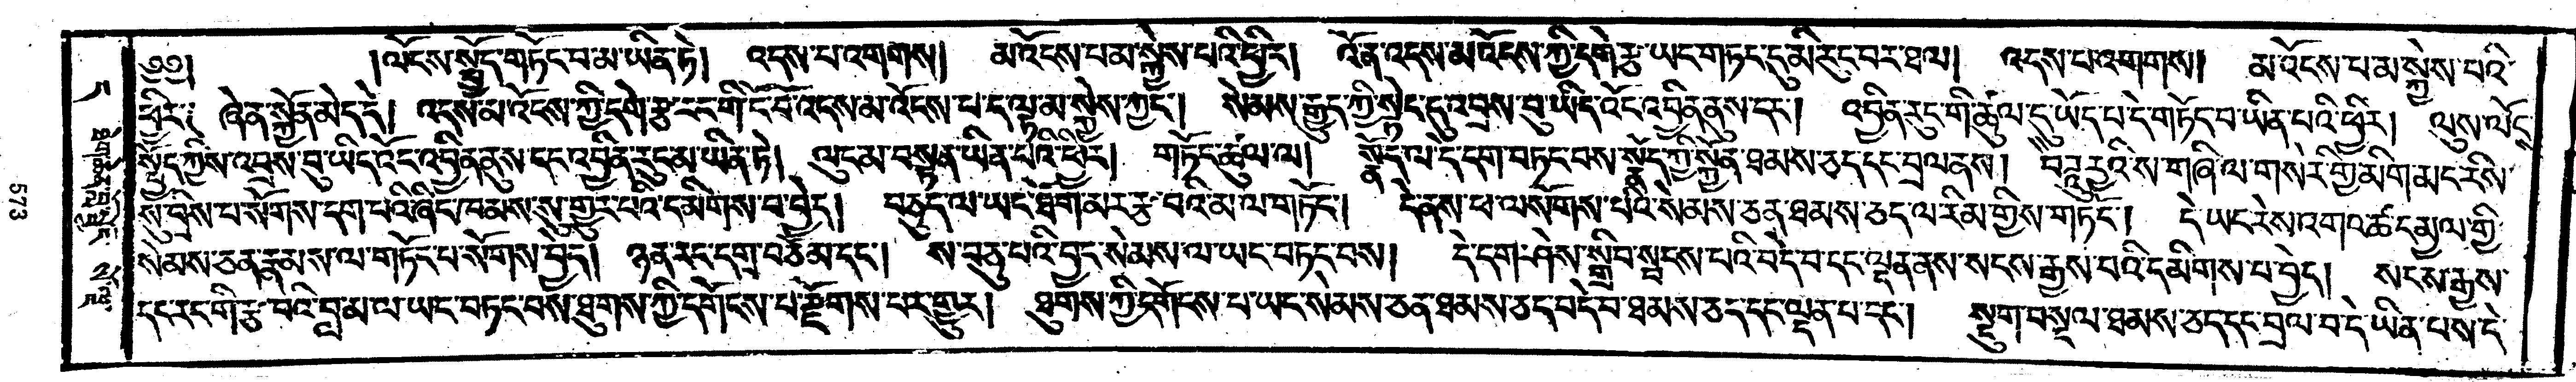༄༅། །ལོངས་སྤྱོད་གཏོང་བ་མ་ཡིན་ཏེ། འདས་པ་འགགས། མ་འོངས་པ་མ་སྐྱེས་པའི་ཕྱིར། འོ་ན་འདས་མ་འོངས་ཀྱི་དགེ་རྩ་ཡང་གཏང་དུ་མི་རུང་བར་ཐལ། འདས་པ་འགགས། མ་འོངས་པ་མ་སྐྱེས་པའི་
ཕྱིར༑ ཞེན་སྐྱོན་མེད་དེ། འདས་མ་འོངས་ཀྱི་དགེ་རྩ་རང་གི་ངོ་བོ་འདས་མ་འོངས་པ་ད་ལྟ་མ་སྐྱེས་ཀྱང་། སེམས་རྒྱུད་ཀྱི་སྟེང་དུ་འབྲས་བུ་ཡིད་འོང་འབྱིན་ནུས་དང་། འབྱིན་རུང་གི་ཚུལ་དུ་ཡོད་པ་དེ་གཏོང་བ་ཡིན་པའི་ཕྱིར། ལུས་ལོངས་
སྤྱོད་ཀྱིས་འབྲས་བུ་ཡིད་འོང་འབྱིན་ནུས་དང་འབྱིན་རུང་མ་ཡིན་ཏེ། ལུང་མ་བསྟན་ཡིན་པའི་ཕྱིར། གཏོང་ཚུལ་ལ། སྣོད་ལ་དེ་དག་བཏང་བས་སྣོད་ཀྱི་སྐྱོན་ཐམས་ཅད་དང་བྲལ་ནས། བཻཌཱུ་རྱའི་ས་གཞི་ལ་གསེར་གྱི་མིག་མང་རིས་
སུ་བྲིས་པ་སོགས་དག་པའི་ཞིང་ཁམས་སུ་གྱུར་པའི་དམིགས་པ་བྱེད། བཅུད་ལ་ཡང་ཐོག་མར་རྩ་བའི་མ་ལ་གཏོང་། དེ་ནས་ཕ་ལ་སོགས་པའི་སེམས་ཅན་ཐམས་ཅད་ལ་རིམ་གྱིས་གཏོང་། དེ་ཡང་རེས་འགའ་ཚ་དམྱལ་གྱི་
སེམས་ཅན་རྣམས་ལ་གཏོང་པ་སོགས་བྱེད། ཉན་རང་དགྲ་བཅོམ་དང་། ས་བཅུ་པའི་བྱང་སེམས་ལ་ཡང་བཏང་བས། དེ་དག་ཤེས་སྒྲིབ་སྤངས་པའི་བདེ་བ་དང་ལྡན་ནས་སངས་རྒྱས་པའི་དམིགས་པ་བྱེད། སངས་རྒྱས་
དང་རང་གི་རྩ་བའི་བླ་མ་ལ་ཡང་བཏང་བས་ཐུགས་ཀྱི་དགོངས་པ་རྫོགས་པར་གྱུར། ཐུགས་ཀྱི་དགོངས་པ་ཡང་སེམས་ཅན་ཐམས་ཅད་བདེ་བ་ཐམས་ཅད་དང་ལྡན་པ་དང་། སྡུག་བསྔལ་ཐམས་ཅད་དང་བྲལ་བ་དེ་ཡིན་པས་དེ་